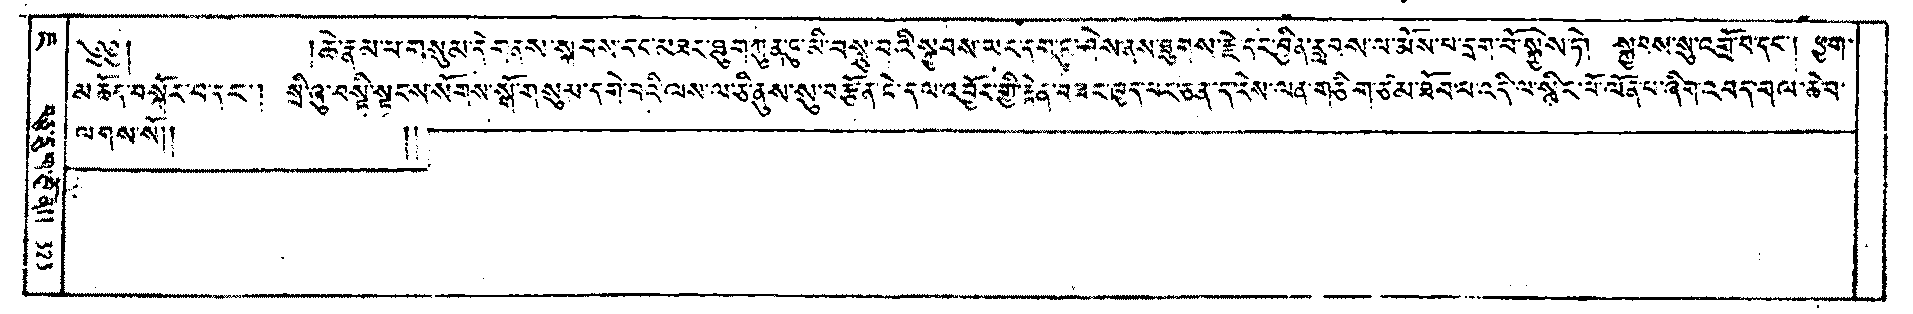༄༅། །ཆེ་རྣམ་པ་གསུམ་དེ་གནས་སྐབས་དང་མཐར་ཐུག་ཀུན་ཏུ་མི་བསླུ་བའི་སྐྱབས་ཡང་དག་ཏུ་ཤེས་ནས་ཐུགས་རྗེ་དང་བྱིན་རླབས་ལ་མོས་པ་དྲག་པོ་སྐྱེས་ཏེ། སྐྱབས་སུ་འགྲོ་བ་དང་། ཕྱག་
མཆོད་བསྐོར་བ་དང་། སྲི་ཞུ་བསྟི་སྟངས་སོགས་སྒོ་གསུམ་དགེ་བའི་ལས་ལ་ཅི་ནུས་སུ་བརྩོན་ཏེ་དལ་འབྱོར་གྱི་རྟེན་བཟང་ཁྱད་པར་ཅན་ད་རེས་ལན་གཅིག་ཙམ་ཐོབ་པ་འདི་ལ་སྙིང་པོ་ལོན་པ་ཞིག་འབད་གལ་ཆེ་བ་
ལགས་སོ།། །།